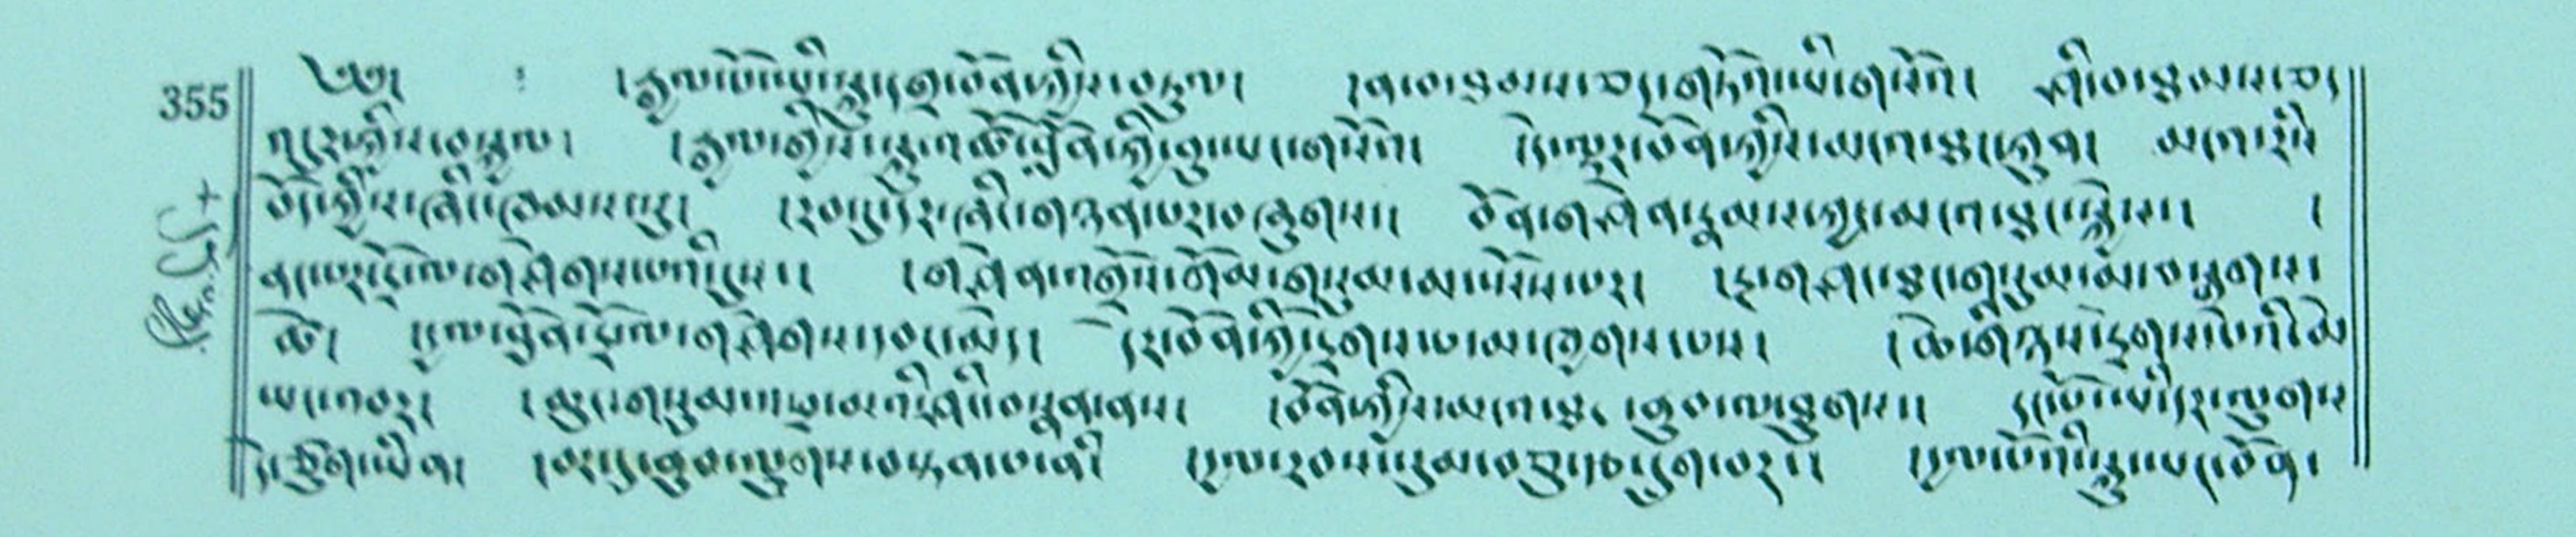༄༅། །རྒྱལ་པོའི་སྐུ་དགྲ་བོན་གྱིས་བཏུལ། ན་བ་ཐམས་ཅད་གཏོ་ཡིས་གསོའ། ཤི་བ་ཐམས་ཅད་
འདུར་གྱིས་བསྐྱལ། རྒྱལ་གྱི་སྐུ་འཚོ་བློན་གྱི་བུ་ཡང་གསོའ། དེ་ལྟར་བོན་གྱི་མངའ་ཐང་ཀུན། མངའ་རིས་
བོད་ཀྱི་ཞིང་ཁམས་སུ། རབ་ཏུ་དར་ཞིང་གཉན་པར་བཞུགས། བོན་གཤེན་རྣམས་ཀྱང་མངའ་ཐང་སྐྱེས། 
ནང་པར་དྲོ་ལ་གཤེགས་པའི་དུས། གཤེན་འགྲོས་གོམ་གསུམ་མ་སྤོས་པར། རྔ་གཤང་ཐང་གསུམ་མ་བསྒྲགས་
ཚེ། རྒྱལ་བློན་དྲོ་ལ་གཤེགས་དབང་མེད། དེར་བོན་གྱིས་དྲེགས་པ་མ་ཁྱགས་པས། ཆེ་གཉིས་དྲེགས་པའི་མེ་
ཡང་འབར། ཆུང་གསུམ་ཕྲ་མའི་ཤིང་བསྣན་ནས། བོན་གྱི་མངའ་ཐང་ནུབ་ལ་ཐུགས། དང་པོ་ཡི་དར་ལུགས་
དེ་ཙུགས་ཡིན། བར་དུ་བོན་ལུགས་བསྟན་པ་ནི། རྒྱལ་རབས་སུམ་བཅུ་རྩ་དྲུག་བར། རྒྱལ་བོའི་སྐུ་ཡང་བོན་